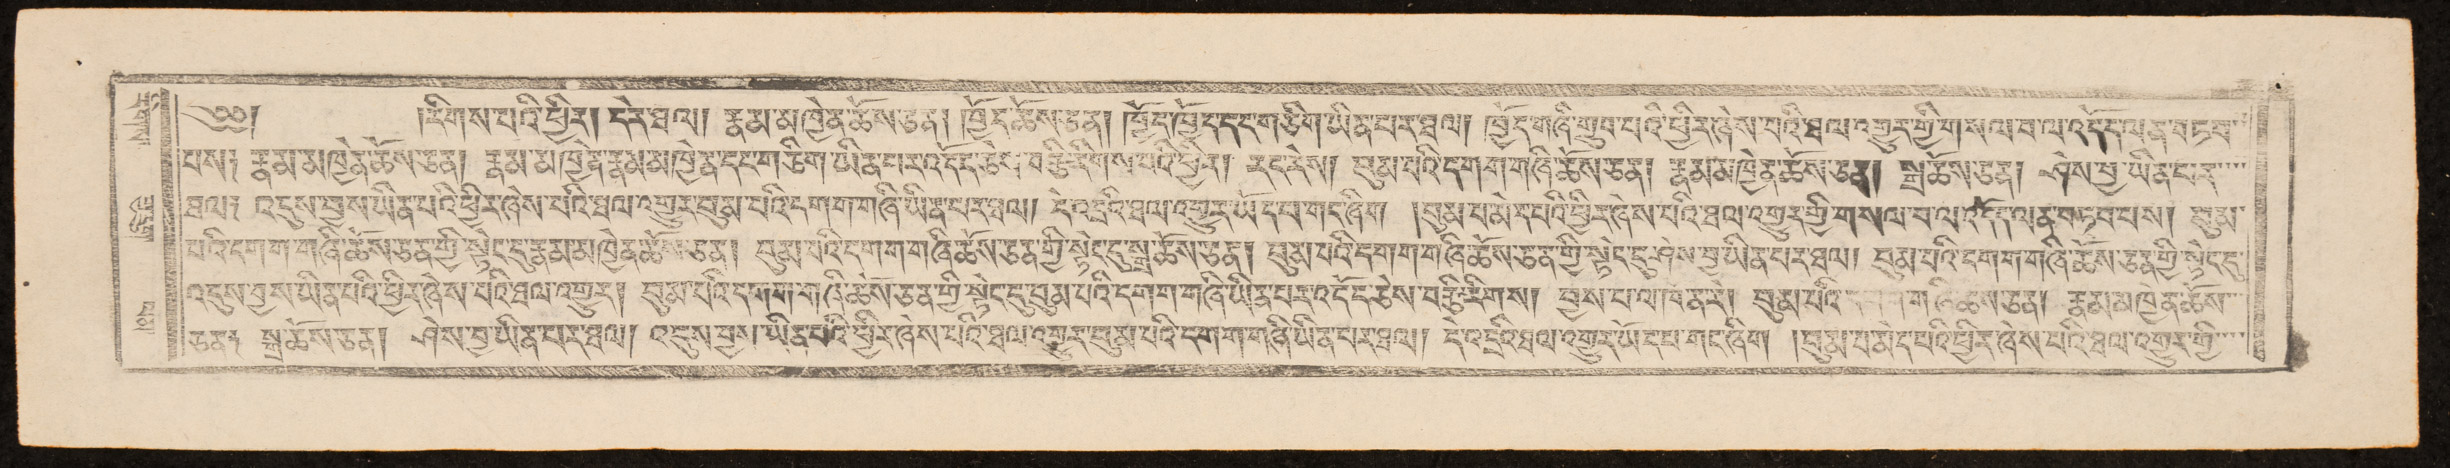༄༅། །རིགས་པའི་ཕྱིར། དེར་ཐལ། རྣམ་མཁྱེན་ཆོས་ཅན། ཁྱོད་ཆོས་ཅན། ཁྱོད་ཁྱོད་དང་གཅིག་ཡིན་པར་ཐལ། ཁྱོད་གཞི་གྲུབ་པའི་ཕྱིར་ཞེས་པའི་ཐལ་འགྱུར་གྱི་གསལ་བ་ལ་འདོད་ལན་བཏབ་
པས། རྣམ་མཁྱེན་ཆོས་ཅན། རྣམ་མཁྱེན་རྣམ་མཁྱེན་དང་གཅིག་ཡིན་པར་འདོད་ཅེས་བརྩི་རིགས་པའི་ཕྱིར། རང་རེས། བུམ་པའི་དགག་གཞི་ཆོས་ཅན། རྣམ་མཁྱེན་ཆོས་ཅན། སྒྲ་ཆོས་ཅན། ཤེས་བྱ་ཡིན་པར་
ཐལ། འདུས་བྱས་ཡིན་པའི་ཕྱིར་ཞེས་པའི་ཐལ་འགྱུར་བུམ་པའི་དགག་གཞི་ཡིན་པར་ཐལ། དེ་འདྲའི་ཐལ་འགྱུར་ཡོད་པ་གང་ཞིག །བུམ་པ་མེད་པའི་ཕྱིར་ཞེས་པའི་ཐལ་འགྱུར་གྱི་གསལ་བ་ལ་འདོད་ལན་བཏབ་པས། བུམ་
པའི་དགག་གཞི་ཆོས་ཅན་གྱི་སྟེང་དུ་རྣམ་མཁྱེན་ཆོས་ཅན། བུམ་པའི་དགག་གཞི་ཆོས་ཅན་གྱི་སྟེང་དུ་སྒྲ་ཆོས་ཅན། བུམ་པའི་དགག་གཞི་ཆོས་ཅན་གྱི་སྟེང་དུ་ཤེས་བྱ་ཡིན་པར་ཐལ། བུམ་པའི་དགག་གཞི་ཆོས་ཅན་གྱི་སྟེང་དུ་
འདུས་བྱས་ཡིན་པའི་ཕྱིར་ཞེས་པའི་ཐལ་འགྱུར། བུམ་པའི་དགག་གཞི་ཆོས་ཅན་གྱི་སྟེང་དུ་བུམ་པའི་དགག་གཞི་ཡིན་པར་འདོད་ཅེས་བརྩི་རིགས། བྱས་པ་ལ་ཁོ་ན་རེ། བུམ་པའི་དགག་གཞི་ཆོས་ཅན། རྣམ་མཁྱེན་ཆོས་
ཅན། སྒྲ་ཆོས་ཅན། ཤེས་བྱ་ཡིན་པར་ཐལ། འདུས་བྱས་ཡིན་པའི་ཕྱིར་ཞེས་པའི་ཐལ་འགྱུར་བུམ་པའི་དགག་གཞི་ཡིན་པར་ཐལ། དེ་འདྲའི་ཐལ་འགྱུར་ཡོད་པ་གང་ཞིག །བུམ་པ་མེད་པའི་ཕྱིར་ཞེས་པའི་ཐལ་འགྱུར་གྱི་